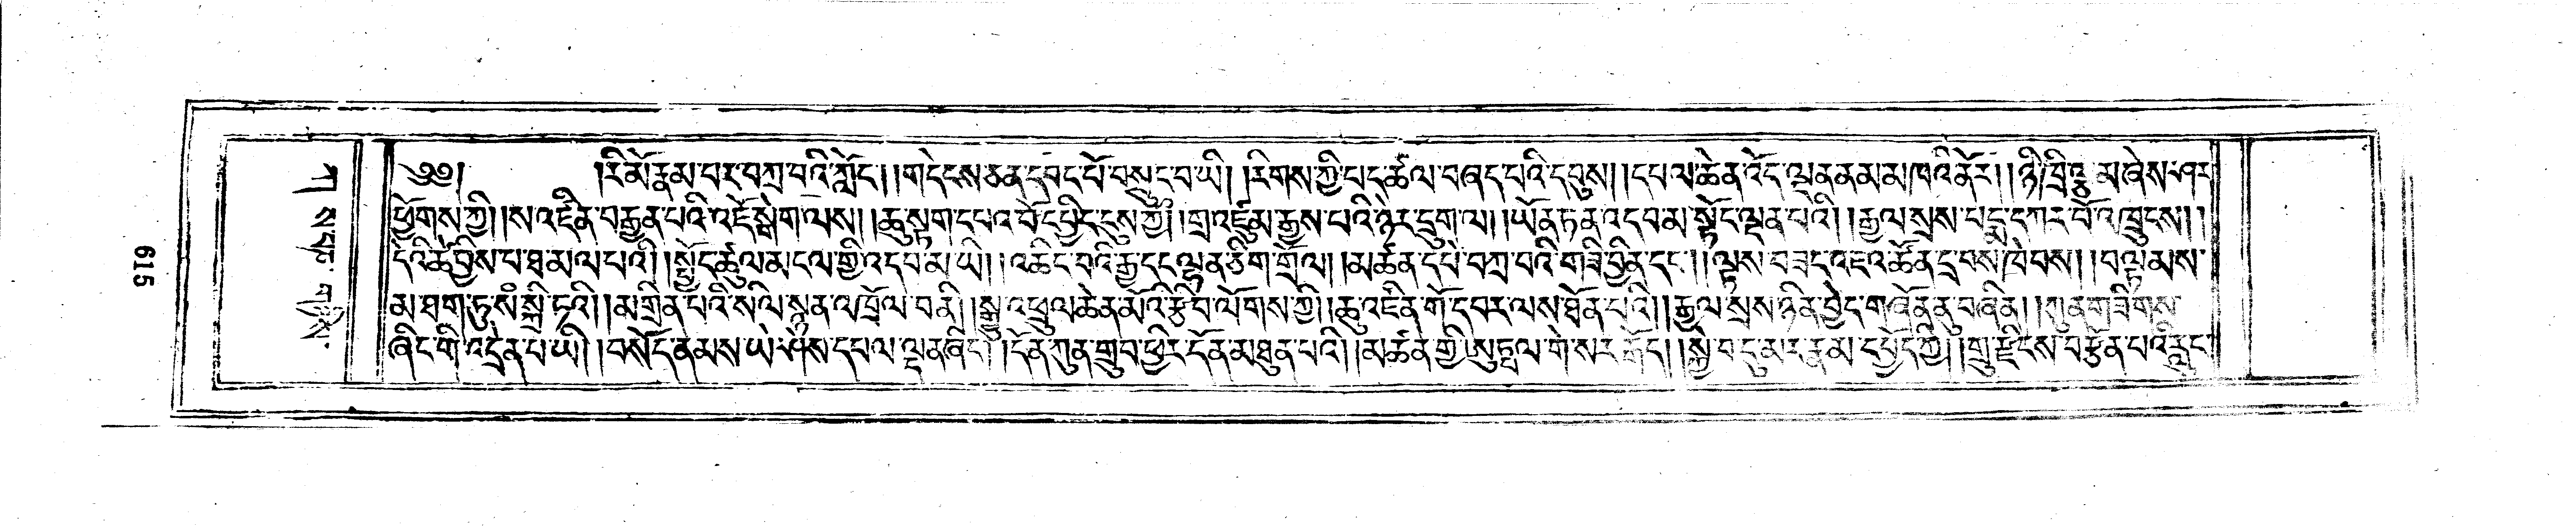༄༅། །རི་མོ་རྣམ་པར་བཀྲ་བའི་ཀློང་། །གདེངས་ཅན་དབང་པོ་བསྲུང་བ་ཡི། །རིགས་ཀྱི་པད་ཚལ་བཞད་པའི་དབུས། །དཔལ་ཆེན་འོད་ལྡན་ནམ་མཁའི་ནོར། །ཉི་ཁྲི་ལྕམ་ཞེས་ཤར་
ཕྱོགས་ཀྱི། །ས་འཛིན་བརྒྱན་པའི་འཇོ་སྒེག་ལས། །ཆུ་སྟག་དཔའ་བོ་དཔྱིད་དུས་ཀྱི། །གྲ་འཛུམ་རྒྱས་པའི་ཉེར་དྲུག་ལ། །ཡོན་ཏན་འདབ་མ་སྟོང་ལྡན་པའི། །རྒྱལ་སྲས་པདམ་དཀར་པོ་འཁྲུངས། །
དེའི་ཚེ་བྱིས་པ་ཐ་མལ་པའི། །སྤྱོད་ཚུལ་མངལ་གྱི་འདབ་མ་ཡི། །འཆིང་བའི་རྒྱ་དང་ལྷན་ཅིག་གྲོལ། །མཚན་དཔེ་བཀྲ་བའི་གཟི་བྱིན་དང་། །ལྟས་བཟང་འཇའ་ཚོན་དྲ་བས་ཁེབས། །བལྟམས་
མ་ཐག་ཏུ་སཾ་སྐྲི་ཏའི། །མགྲིན་པའི་སིལ་སྙན་འཁྲོལ་བ་ནི། །སྒྱུ་འཕྲུལ་ཆེན་པོའི་རྩི་བ་ལོགས་ཀྱི། །ཆུ་འཛིན་གོད་པར་ལས་ཐོན་པའི། །རྒྱལ་སྲས་ཉིན་བྱེད་གཞོན་ནུ་བཞིན། །ཀུན་གཟིགས་
ཞིང་གི་འདྲེན་པ་ཡི། །བསོད་ནམས་ཡེ་ཤེས་དཔལ་ལྡན་ཞིང་། །དོན་ཀུན་གྲུབ་ཕྱིར་དོན་མཐུན་པའི། །མཚོན་གྱི་ཨུཏྤལ་གེ་སར་རྒོད། །སྐྱེ་བ་དུ་མར་རྣམ་དཔྱོད་ཀྱི། །གྲུ་རྫིངས་བརྩོན་པའི་རླུང་